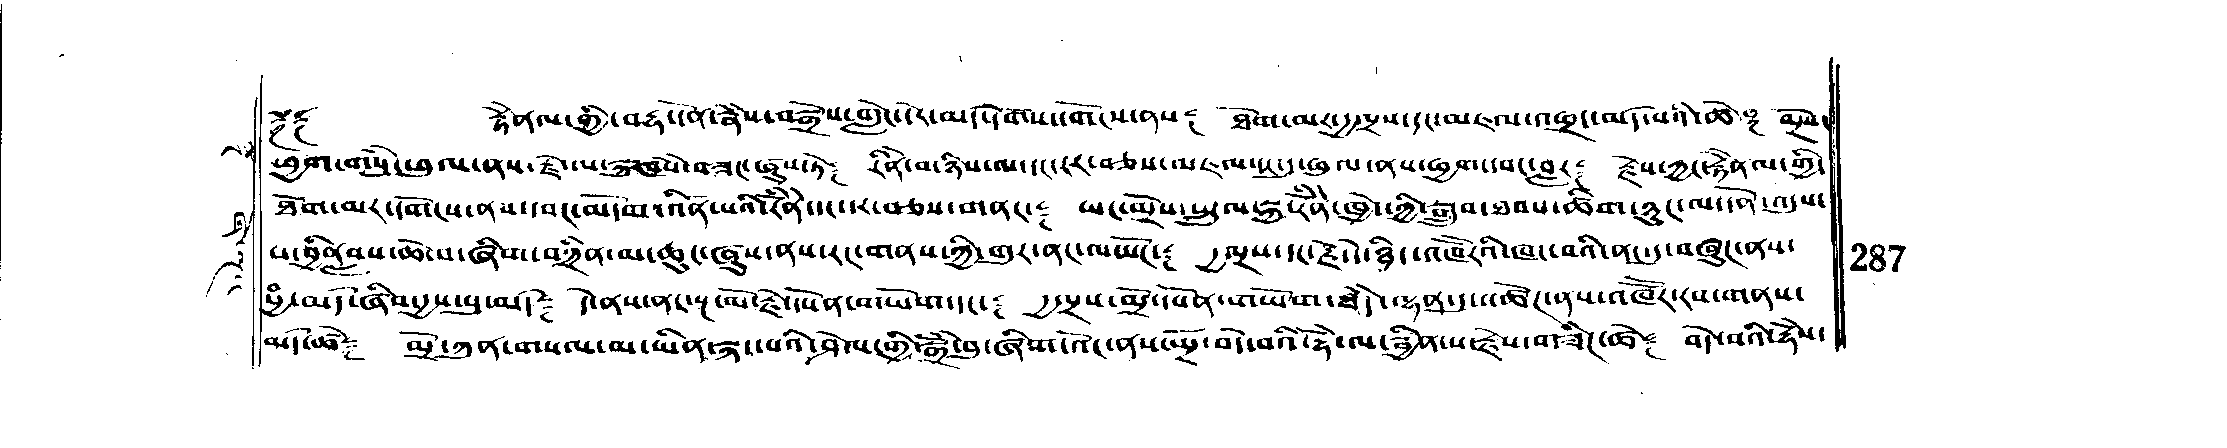རྟེན་འབྲེལ་གྱི་བརྡ་དོན་རྣམས་བགྲོ་གླེང་དེར་མཛད་དགོས་དགོངས་ནས། ཐོག་མར་རྒྱལ་སྲས་དང་མཇལ་འཕྲད་མཛད་པའི་ཚེ། མཁའ་འགྲོས་
ཕྱག་གསུམ་ཕུལ་ནས་རྗེ་ལ་སྐུ་ཁམས་བཟང་ཞུས་ཏེ། རིན་ཆེན་གཉིས་པ་དང་དར་བཅས་མཇལ་དར་དུ་ཕུལ་ནས་ཕྱག་དབང་བླང་། རྗེས་ཀྱང་རྟེན་འབྲེལ་གྱི་
ཐོག་མར་དགོངས་ནས་དབང་མདོག་འཛིན་པའི་རིན་པོ་ཆེ་དང་དར་བཅས་གནང་། ཡང་མཁའ་འགྲོ་སྤྲུལ་སྐུ་རིན་པོ་ཆེ་ཁྱེད་ཀྱི་སྒྲུབ་ཐབས་ཚིག་ཉུང་ལ་དོན་འདུས་
པ་བྱིན་རླབས་ཆེ་བ་ཞིག་བཀའ་དྲིན་མ་ཆུང་ཞུས་ནས་རང་གནས་ཀྱི་གུར་ནང་ལ་སོང་། རྒྱལ་སྲས་དང་རྗེ་དེ་ཉིད་འཁོར་ལོའི་ཁང་པའི་ནང་དུ་བཞུགས་ནས་
གསུང་མཛད་ཞིབ་རྒྱས་སུ་མཛད། དེ་ནས་ནངས་སྔ་མོ་རྗེ་དཔོན་གཡོག་དང་། རྒྱལ་སྲས་མཁའ་འགྲོ་དཔོན་གཡོག་ཐམས་ཅད་ལྷན་དུ་འཚོགས་ནས་འཁོར་ལོ་རབ་གནས་
མཛད་ཚེ། མཁའ་འགྲོ་ཀུན་གསལ་མ་ཡིན་སྐད་པའི་ཤེལ་གྱི་སྒྲོམ་བུ་ཞིག་འོང་ནས་མཁའ་འགྲོ་བདེ་བའི་རྡོ་རྗེ་ལ་སྦྱིན་པ་རྗེས་གཟིགས་ཚེ། བདེ་བའི་རྡོ་རྗེས་